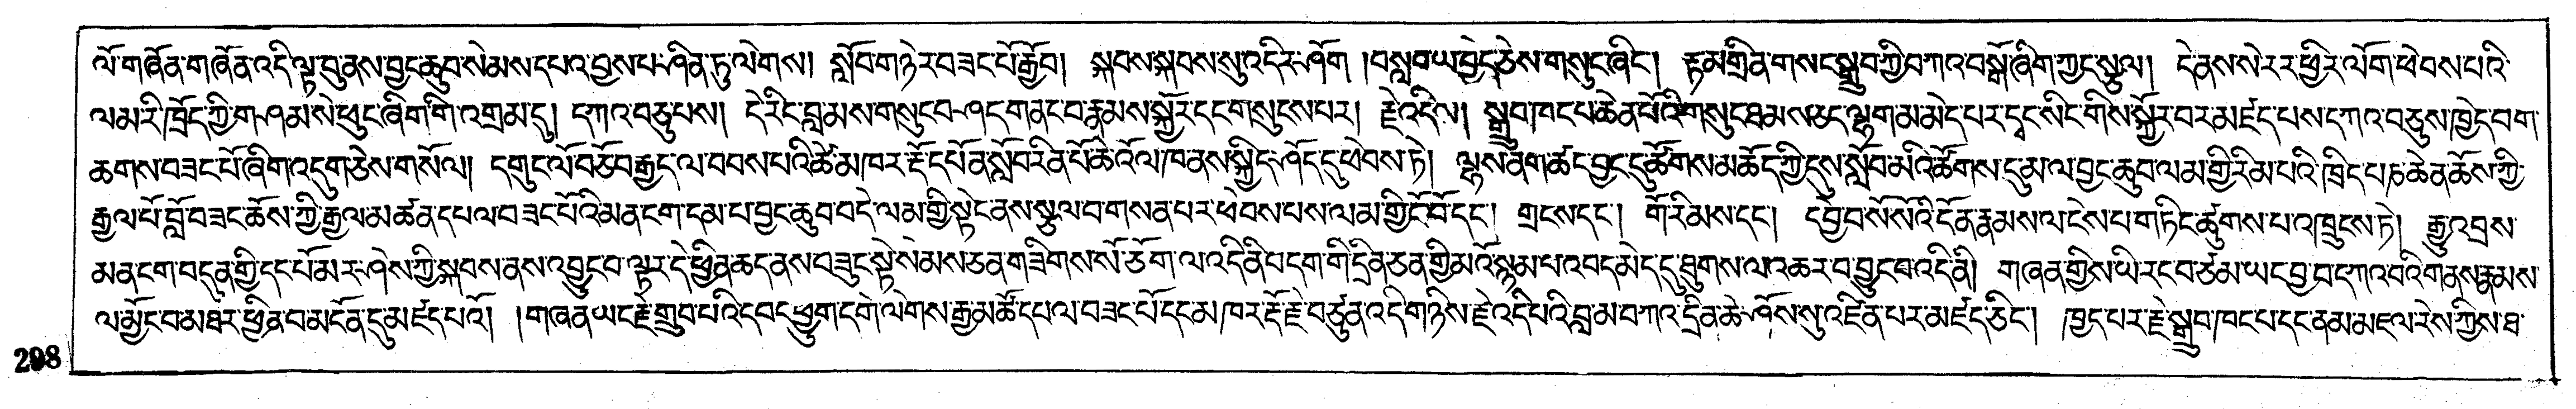ལོ་གཞོན་གཞོན་འདི་ལྟ་བུ་ནས་བྱང་ཆུབ་སེམས་དཔའ་བྱས་པ་ཤིན་ཏུ་ལེགས། སློབ་གཉེར་བཟང་པོ་རྒྱོབ། སྐབས་སྐབས་སུ་འདིར་ཤོག །བསླབ་ཡ་བྱེད་ཅེས་གསུང་ཞིང་། རྟ་མགྲིན་གསང་སྒྲུབ་ཀྱི་བཀའ་བསྒོ་ཞིག་ཀྱང་སྩལ། དེ་ནས་སེ་རང་ཕྱིར་ལོག་ཕེབས་པའི་
ལམ་རི་ཁྲོད་ཀྱི་གཤམ་སེ་ཕུང་ཞིག་གི་འགྲམ་དུ། དཀའ་བཅུ་པས། དེ་རིང་བླ་མས་གསུང་བཤད་གནང་བ་རྣམས་སྐྱོར་དང་གསུངས་པར། རྗེ་འདིས། སྒྲུབ་ཁང་པ་ཆེན་པོའི་གསུང་ཐམས་ཅད་ལྷག་མ་མེད་པར་དྭང་སིང་གིས་སྐྱོར་བར་མཛད་པས་དཀའ་བཅུས་ཁྱེད་བག་
ཆགས་བཟང་པོ་ཞིག་འདུག་ཅེས་གསོལ། དགུང་ལོ་བཅོ་བརྒྱད་ལ་བབས་པའི་ཚེ་མཁར་རྡོ་དབོན་སློབ་རིན་པོ་ཆེ་འོལ་ཁ་ནས་སྐྱིད་ཤོད་དུ་ཕེབས་ཏེ། ལྷ་ས་ནག་ཚང་བྱང་དུ་ཚོགས་མཆོད་ཀྱི་དུས་སློབ་མའི་ཚོགས་དུ་མ་ལ་བྱང་ཆུབ་ལམ་གྱི་རིམ་པའི་ཁྲིད་པཎ་ཆེན་ཆོས་ཀྱི་
རྒྱལ་པོ་བློ་བཟང་ཆོས་ཀྱི་རྒྱལ་མཚན་དཔལ་བཟང་པོའི་མན་ངག་དམ་པ་བྱང་ཆུབ་བདེ་ལམ་གྱི་སྟེང་ནས་སྩལ་བ་གསན་པར་ཕོབས་པས་ལམ་གྱི་ངོ་བོ་དང་། གྲངས་དང་། གོ་རིམས་དང་། དབྱེ་བ་སོ་སོའི་དོན་རྣམས་ལ་ངེས་པ་གཏིང་ཚུགས་པ་འཁྲུངས་ཏེ། རྒྱུ་འབྲས་
མན་ངག་བདུན་གྱི་དང་པོ་མར་ཤེས་ཀྱི་སྐབས་ནས་འབྱུང་བ་ལྟར་དེ་ཕྱིན་ཆད་ནས་བཟུང་སྟེ་སེམས་ཅན་གཟིགས་སོ་ཅོག་ལ་འདི་ནི་བདག་གི་དྲིན་ཅན་གྱི་མའོ་སྙམ་པ་འབད་མེད་དུ་ཐུགས་ལ་འཆར་བ་བྱུང་བ་འདི་ནི། གཞན་གྱིས་ཡི་རང་བཙམ་ཡང་བྱ་བ་དཀའ་བའི་གནས་རྣམས་
ལ་མྱོང་བ་མཐར་ཕྱིན་པ་མངོན་དུ་མཛད་པའོ། །གཞན་ཡང་རྗེ་གྲུབ་པའི་དབང་ཕྱུག་དགེ་ལེགས་རྒྱ་མཚོ་དཔལ་བཟང་པོ་དང་མཁར་རྡོ་རྗེ་བཙུན་འདི་གཉིས་རྗེ་འདི་པའི་བླ་མ་བཀའ་དྲིན་ཆེ་ཤོས་སུ་འཛིན་པར་མཛད་ཅིང་། ཁྱད་པར་རྗེ་སྒྲུབ་ཁང་པ་དང་ནམ་མཇལ་རེས་ཀྱིས་ཐ་